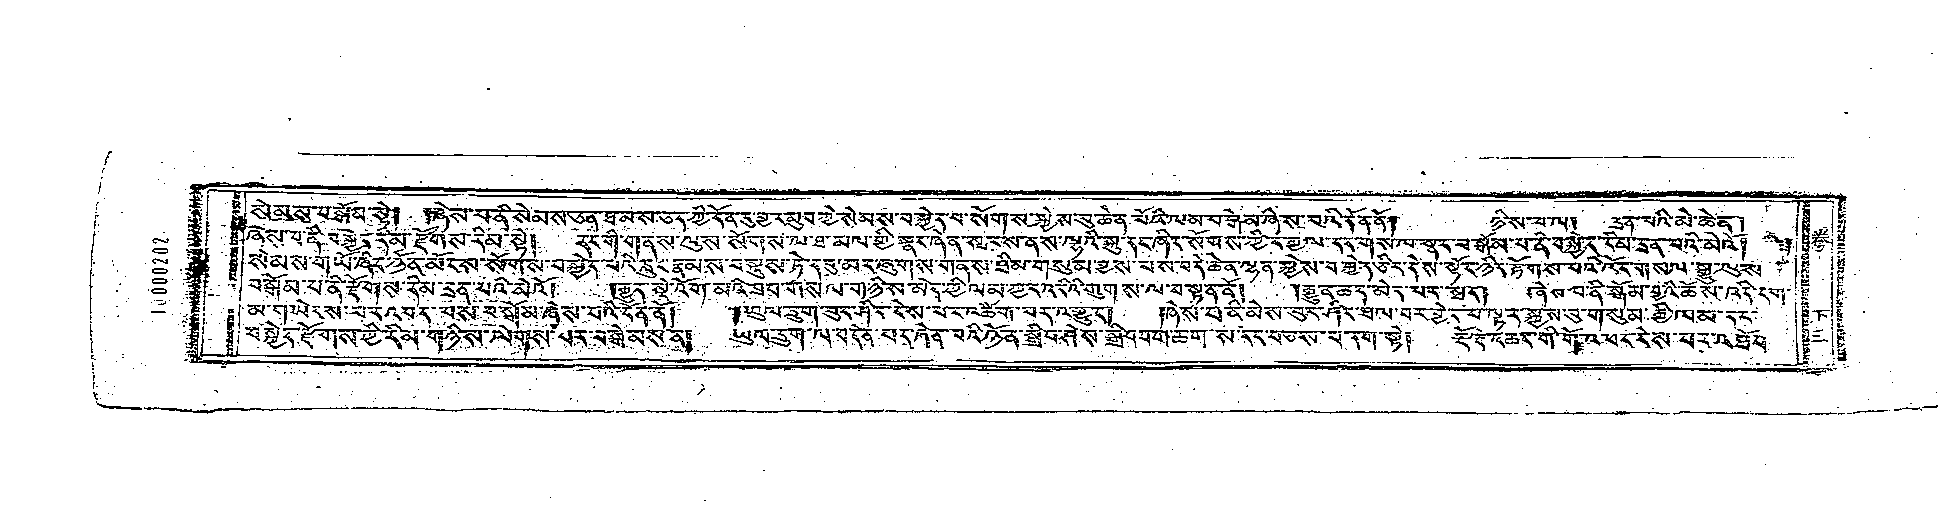སེམས་བསྒོམ་སྟེ། །ཞེས་པ་ནི་སེམས་ཅན་ཐམས་ཅད་ཀྱི་དོན་དུ་བྱ་དམུབ་ཀྱེ་སེམས་བསྐྱེད་པ་སོགས་སྐྱེས་བུ་ཆེན་པོའི་ལམ་བསྒོམ་ཞེས་བའི་དོན་ནོ། །གཉིས་པ་ལ། དྲན་པའི་མེ་ཆེན། ཞེས་པ་ནི་བསྐྱེད་རིམ་རྫོགས་རིམ་སྟེ། རང་གི་གནས་ལུས་སོགས་ལ་ཐ་མལ་གྱི་སྣང་ཞེན་སྤང་ནས་ལྷའི་སྐུ་དང་ཞིང་སོགས་ཀྱི་ང་རྒྱལ་དད་གསལ་སྣང་བསྒོམ་པ་ནི་བསྐྱེད་རིམ་དྲན་པའི་མེའོ། །
སེམས་གཡོ་ཞིང་ཉོན་མོངས་སོགས་བསྐྱེད་པའི་རླུང་རྣམས་བསྡུས་ཏེ་དབུ་མར་ཞུགས་གནས་ཐིམ་གསུམ་བྱས་པས་བདེ་ཆེན་ལྷན་སྐྱེས་བསྐྱེད་ཅིང་དེས་སྟོང་ཉིད་རྟོགས་པའི་འོད་གསལ་སྒྱུ་ལུས་
བསྒོམ་པ་ནི་རྫོགས་རིམ་དྲན་པའི་མེའོ། །རྒྱུད་སྡེ་འོག་མའི་བྲབ་གསལ་གཉིས་མེད་ཀྱི་ལམ་ཀྱང་འདིའི་གུགས་ལ་བསྟན་ནོ། །རྒྱུན་ཆད་མེད་པར་སྭར། ཞེས་བ་ནི་སྒོམ་བྱའི་ཆོས་འདི་དག་
མ་གཡེངས་པར་འབད་པས་བསྒོམ་ཞེས་པའི་དོན་ནོ། །ཡུལ་དྲུག་བུད་ཤིང་ངེས་པར་འཚིག་པར་འགྱུར། །ཞེས་པ་ནི་མེས་བུད་ཤིང་ཐལ་བར་བྱེད་པ་ལྟར་སྐྱེས་བུ་གསུམ་གྱི་ལམ་དང་
བསྐྱེད་རྫོགས་ཀྱི་རིམ་གཉིས་ལེགས་པར་བསྒོམས་ན། ཡུལ་དྲུག་ལ་བདེན་པར་ཞེན་པའི་ཉོན་སྒྲིབ་ཤེས་སྒྲིབ་བག་ཆགས་དང་བཅས་པ་དག་སྟེ། རྡོ་རྗེ་འཆང་གི་གོ་འཕང་ངེས་པར་འཐོབ་